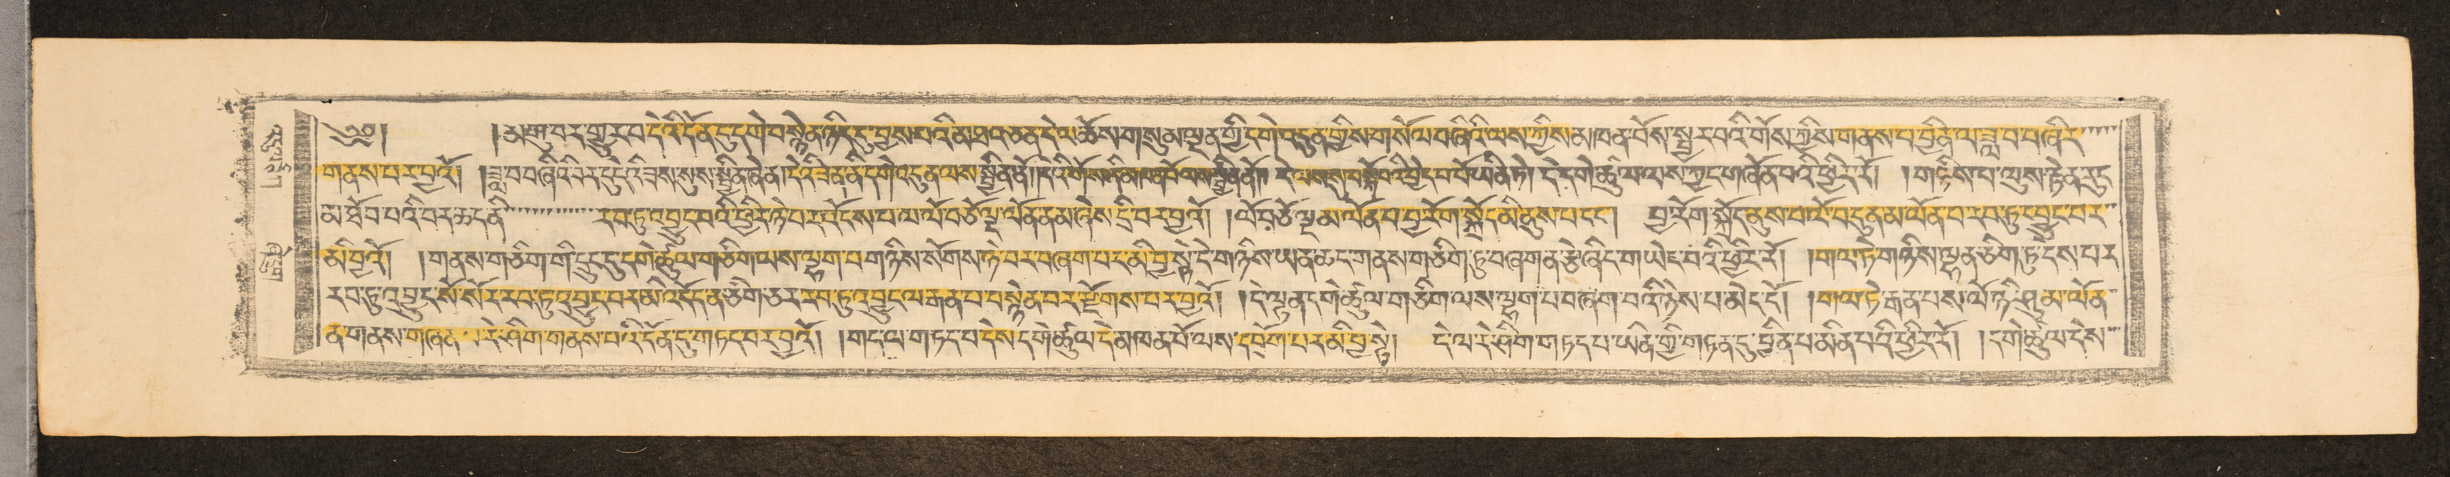༄༅། །མགུ་བར་གྱུར་པ་དེའི་དོན་དུ་དགེ་བསྙེན་ཉིད་དུ་བྱས་པའི་མཐའ་ཅན་དེ་ལ་ཆོས་གསུམ་ལྡན་གྱི་དགེ་འདུན་གྱིས་གསོལ་བཞིའི་ལས་ཀྱིས་མཁན་པོས་སྦྱར་བའི་གོས་ཀྱིས་གནས་པ་བྱིན་ལ་ཟླ་བ་བཞིར་
གནས་པར་བྱའོ། །ཟླ་བ་བཞིའི་བར་དུ་དེའི་ཟས་སུས་སྦྱིན་ཞེན། དེའི་ཟན་ནི་དགེ་འདུན་ལས་སྦྱིན་ནོ། །དེའི་གོས་ནི་མཁན་པོ་ལས་སྦྱིན་ནོ།། དེ་ལས་སུ་བསྐོ་བའི་བྱེད་པ་པོ་ཡིན་ཏེ། དེ་དགེ་ཚུལ་ལས་ཀྱང་གཞོན་པའི་ཕྱིར་རོ། །གཉིས་པ་ལུས་རྟེན་རུང་
མ་ཐོབ་པའི་བར་ཆད་ནི་རབ་ཏུ་འབྱུང་བའི་ཕྱིར་ཉེ་བར་འོངས་པ་ལ་ལོ་བཅོ་ལྔ་ལོན་ནམ་ཞེས་དྲི་བར་བྱའོ། །ལོ་བཅོ་ལྔ་མ་ལོན་པ་བྱ་རོག་སྐྲོད་མི་ནུས་པ་དང་། བྱ་རོག་སྐྲོད་ནུས་པ་ལོ་བདུན་མ་ལོན་པ་རབ་ཏུ་དབྱུང་བར་
མི་བྱའོ། །གནས་གཅིག་གི་དྲུང་དུ་དགེ་ཚུལ་གཅིག་ལས་ལྷག་པ་གཉིས་སོགས་ཉེ་བར་བཞག་པར་མི་བྱ་སྟེ་དེ་གཉིས་ཡན་ཆད་གནས་གཅིག་ཏུ་བཞག་ན་རྩེ་ཞིང་གཡེང་བའི་ཕྱིར་རོ། །གལ་ཏེ་གཉིས་ལྷན་ཅིག་ཏུ་ངེས་པར་
རབ་ཏུ་འབྱུང་སོ་སོར་རབ་ཏུ་འབྱུང་བར་མི་འདོད་ན་ཅིག་ཅར་རབ་ཏུ་འབྱུང་ལ་རྒན་པ་བསྙེན་པར་རྫོགས་པར་བྱའོ། །དེ་ལྟ་ན་དགེ་ཚུལ་གཅིག་ལས་ལྷག་པ་བཞག་པའི་ཉེས་པ་མེད་དོ། །གལ་ཏེ་རྒན་པས་ལོ་ཉི་ཤུ་མ་ལོན་
ན་གནས་གཞན་ལ་རེ་ཤིག་གནས་པའི་དོན་དུ་གཏད་པར་བྱའོ། །གང་ལ་གཏད་པ་དེས་དགེ་ཚུལ་དེ་མཁན་པོ་ལས་དབྲོག་པར་མི་བྱ་སྟེ། དེ་ལ་རེ་ཤིག་གཏད་པ་ཡིན་གྱི་གཏན་དུ་བྱིན་པ་མིན་པའི་ཕྱིར་རོ། །དགེ་ཚུལ་དེས་